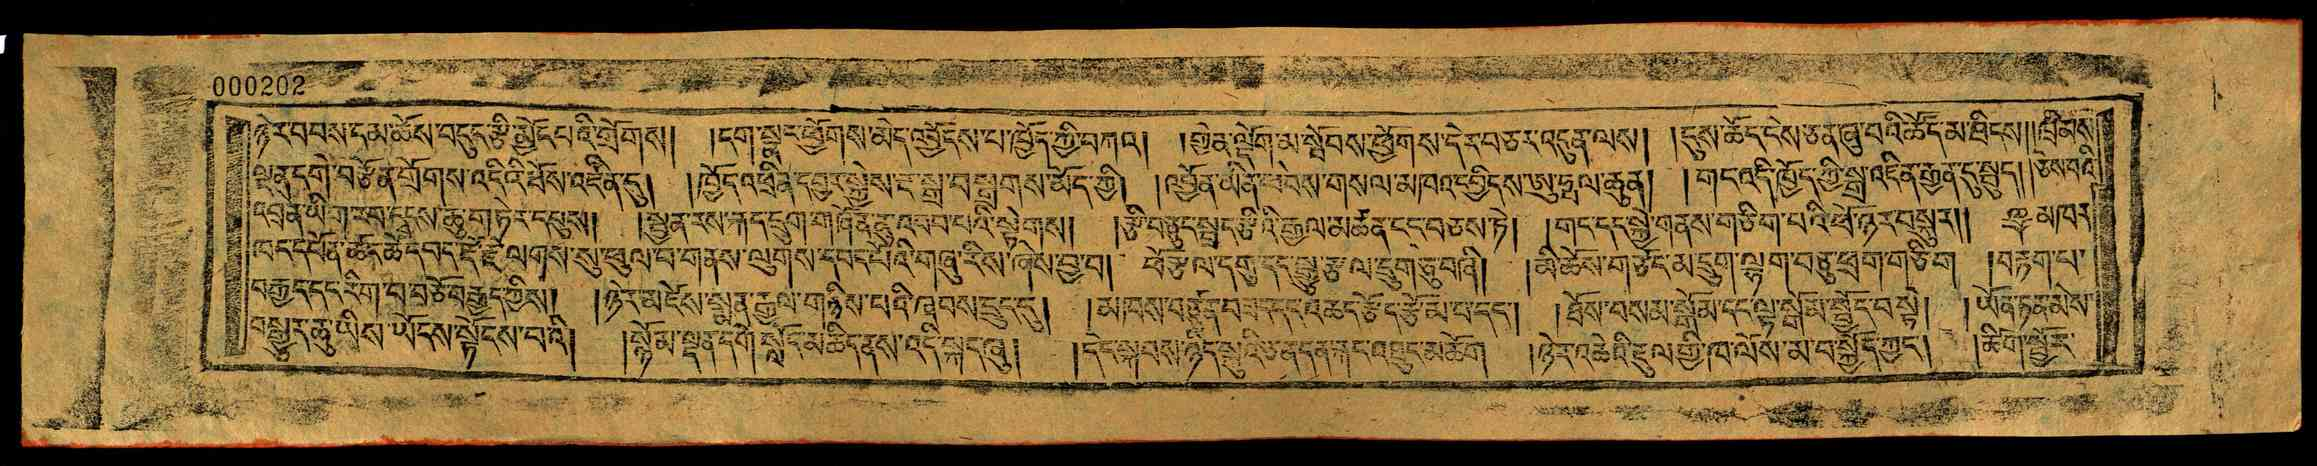ཉེར་བབས་དམ་ཆོས་བདུད་རྩི་མྱོང་པའི་གྲོགས། །དག་སྣང་ཕྱོགས་མེད་འབྱོངས་པ་ཁྱོད་ཀྱི་བཀའ། །གྱིན་ལྡོག་མ་སྤོབས་ཕྱོགས་དེར་བཅར་འདུས་ལས། །དུས་ཚོད་རིས་ཅན་ཞུ་བའི་ཚོད་མ་ཐིངས། །ཁྲིམས་
ལྡན་དགེ་བརྩོན་གྲོགས་འདིའི་ཐོས་འཛིན་དུ། །ཁྱོད་འཕྲིན་དབྱར་སྐྱེས་རྡ་སྒྲ་བ་སྒྲགས་མོད་ཀྱི། །འབྱོན་མིན་ཕེབས་གསལ་མཁའ་དབྱིངས་ཨུ་ཏྤལ་ཆུན། །གང་འདི་ཁྱབ་ཀྱི་སྒྲ་འཛིན་རྒྱན་དུ་སྤུད། །ཅེས་པའི་
འཕྲིན་ཡིག་རབ་དྭངས་ཆུ་གཏེར་དབུས། །སྤྱན་རས་རྐང་དྲུག་གཞོན་ནུ་འབབ་པའི་སྟེགས། །རྩེ་བཅུད་སྦྲང་རྩིའི་རྒྱལ་མཚན་རང་བཅས་ཏེ། །གང་དང་སྐྱེ་གནས་གཅིག་པའི་ཕོ་ཉར་བསྐུར། འ་མཁར་
ཁང་དཔོན་ཚང་ཚེ་དབང་རྡོ་རྗེ་ལགས་སུ་ཕུལ་བ་གནས་ལུགས་དབང་པོའི་གཞུངས་ཞེས་བྱ་བ། ཕོ་རྩལ་དགུ་དང་སྒྱུ་རྩལ་དྲུག་ཅུ་བཞི། །མི་ཆོས་གཙན་མ་དྲུག་ལྷག་བཅུ་ཕྲག་གཅིག། །བརྟག་པ་
བརྒྱད་དང་རིག་པ་བཅོ་བརྒྱད་ཀྱིས། །ཉེར་མཛེས་སྨོན་རྒྱལ་གཉིས་པའི་ཞབས་དྲུང་དུ། །མཁས་བཙུན་བཟང་དང་འཆད་རྩོད་རྩོམ་པ་དང་། །ཐོས་བསམ་སྒོམ་དང་ལྟ་སྒོམ་སྤྱོད་པ་སྟེ། །ཡོན་ཏན་མེས་
བསྐྱུར་ཆུ་ཡིས་ཡོངས་སྟོངས་པའི། །སྙོམ་ལྡན་དགེ་སློང་མཆིང་ནས་འདི་སྐད་ཞུ། །དེང་སྐབས་ཉིད་སྐུའི་ཙན་དན་རྐང་འཐུང་མཆོག། །ཉེར་འཚོའི་རྡུལ་གྱི་ཁ་ལོས་མ་བསྐྱེད་ཀྱང་། །ཚིག་སྦྱོར་